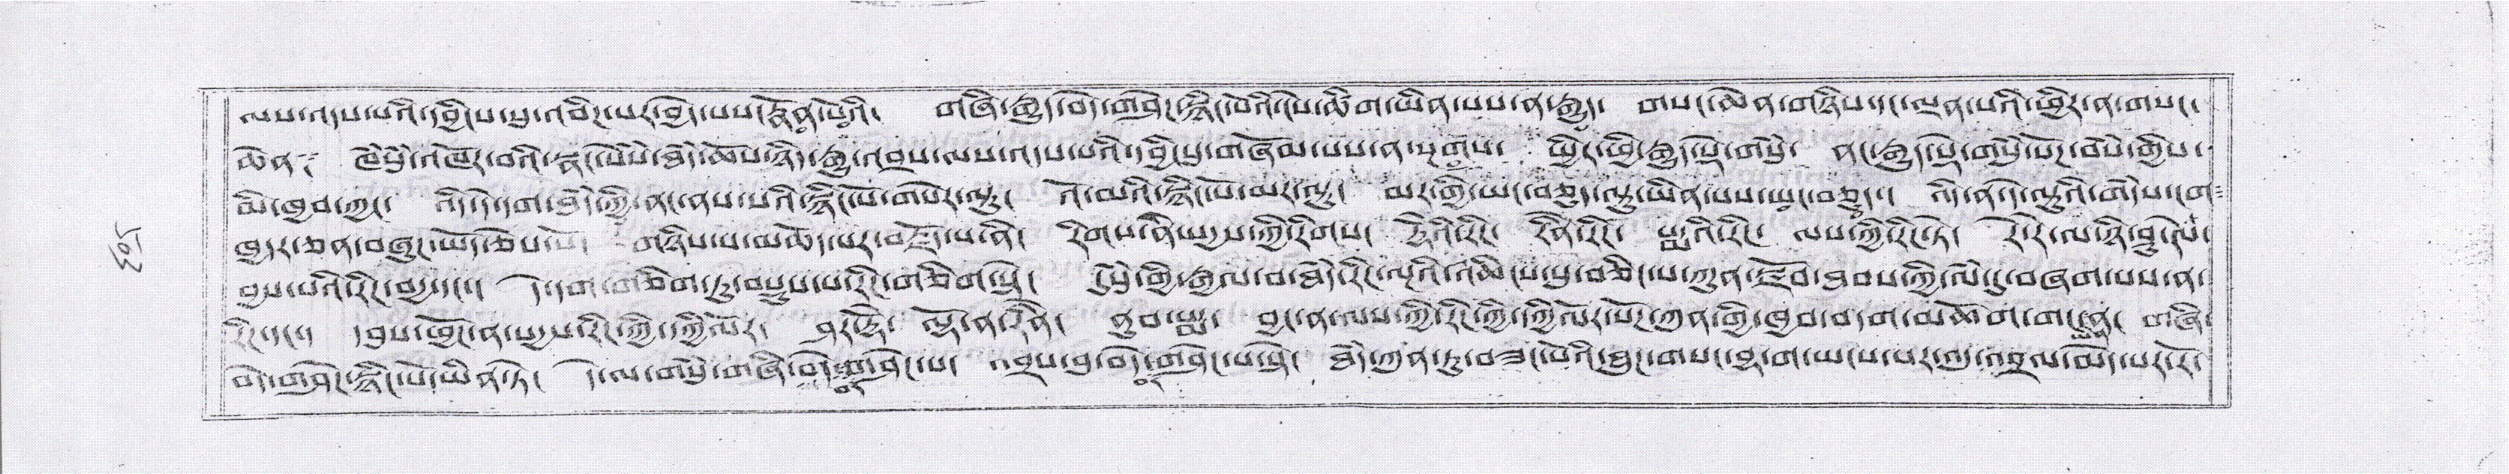ལས་འདས་པའི་དབྱིངས་སུ་འབིགས་པར་བྱེད་པས་རྣོན་པོ། གཞི་རྒྱུད་བདེར་གཤེགས་སྙིང་པོའི་ངེས་ཚིག་ཡིན་པས་ན་རྒྱུད། གསང་ཆེན་གཉིས་དང་ལྡན་པའི་ཕྱིར་ན་གསང་
ཆེན། ཁམས་གསུམ་འཁོར་བའི་སྣང་སེམས་ཐམས་ཅད་ཆོས་ཉིད་རྒྱུ་འབྲས་ལས་འདས་པའི་དབྱིངས་སུ་གཞོམ་པས་ན་སྔགས། སྤྱིར་ཕྱི་རྒྱུད་སྡེ་གསུམ་དང་། ནང་རྒྱུད་སྡེ་གསུམ་སོགས་བསམ་གྱིས་
མི་ཁྱབ་ཀྱང་འདི་དེ་དག་ཐམས་ཅད་ཀྱི་ནང་ནས་སའི་སྙིང་པོ་གསེར་ལྟ་བུ། འོ་མའི་སྙིང་པོ་མར་ལྟ་བུ། མར་གྱི་ཡང་བཅུད་ལྟ་བུ་ཡིན་པས་ཡང་བཅུད། འདི་ན་དེ་ལྟ་བུའི་གདམས་ངག་
ཁྱད་པར་ཅན་བཞུགས་ཡོད་ཅེས་སོ། གཉིས་པ་མཆོད་པར་བརྗོད་པ་ནི། རིགས་ནི་སངས་རྒྱས་ཀྱི་རིགས། རྡོ་རྗེའི་རིགས། རིན་ཆེན་རིགས། པདྨའི་རིགས། ལས་ཀྱི་རིགས་ཏེ། རེ་རེ་ལ་ཉི་ཤུ་རེས་
བྱས་པའི་རིགས་བརྒྱ་དང་། དེ་དག་གཅིག་ཏུ་བསྡུས་པ་རིགས་གཅིག་སྟེ། དུས་གསུམ་གྱི་རྒྱལ་བ་ཐམས་ཅད་རིགས་ལྔའི་ཆིངས་སུ་བཅིངས་པ། ཀུན་རྫོབ་ཐབས་ཀྱི་ལམ་དུ་བཞག་པས་ན་
རིགས་དང་། དབུས་ཕྱོགས་ན་སངས་རྒྱས་རིགས་ཀྱི་དཀྱིལ་འཁོར། ཤར་རྡོ་རྗེ། ལྷོ་ན་རིན་ཆེན། ནུབ་པདྨ། བྱང་ན་ལས་ཀྱི་རིགས་ཀྱི་དཀྱིལ་འཁོར་སོགས། ཀུན་གྱི་ཁྱབ་བདག་མཆོག་གང་ཡིན་ཞེ་ན། གཞི་
བདེར་གཤེགས་སྙིང་པོ་ཡིན་ཏེ། དེ་ལ་གསུམ་གཞི་བདེ་བར་གཤེགས་པ། འབྲས་བུ་བདེ་བར་གཤེགས་པ་སྟེ། ཐམས་ཅད་ཀུན་ཏུ་བཟང་པོའི་ཐུགས་གསང་བྷ་ག་ཡངས་པར་འདུ་འབྲལ་མེད་པར་རོ་